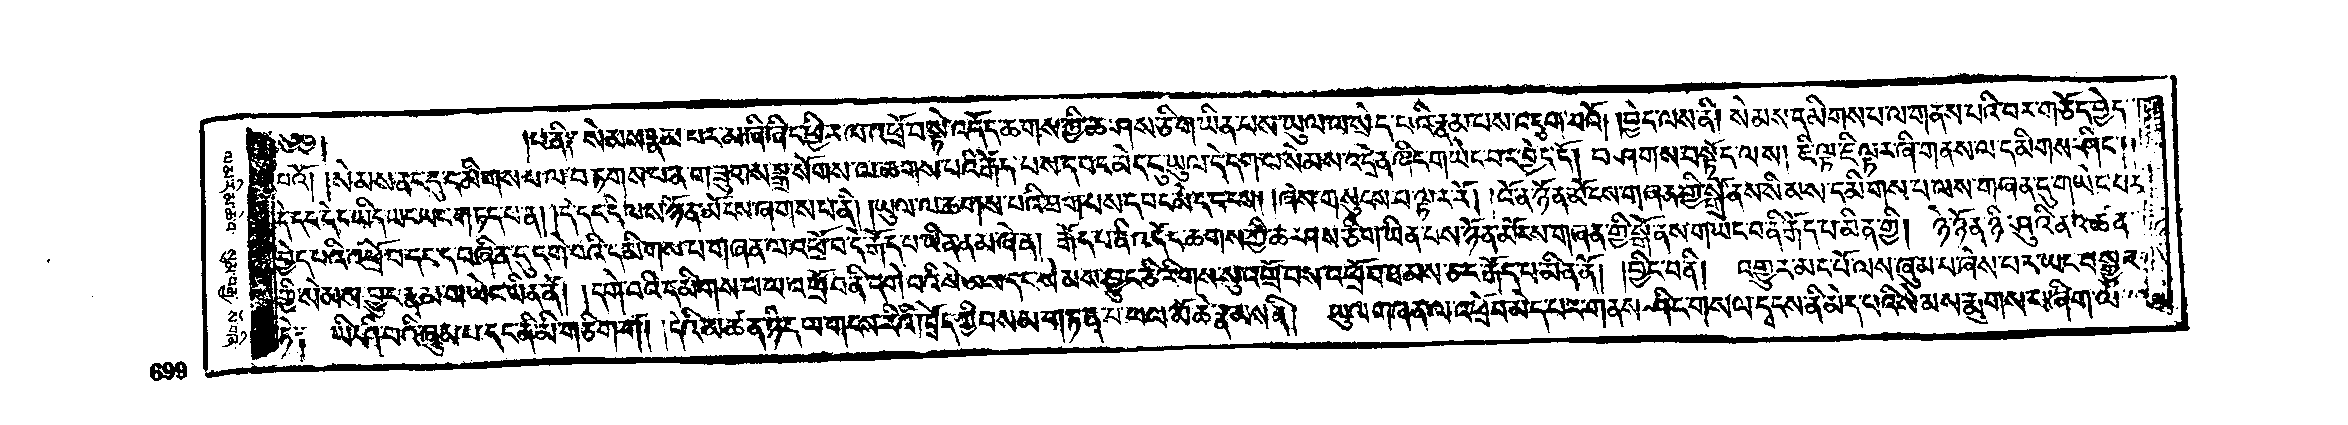༄༅། །པ་ནི༑ སེམས་རྣམ་པར་མ་ཞི་ཞིང་ཕྱིར་ལ་འཕྲོ་བ་སྟེ་འདོད་ཆགས་ཀྱི་ཆ་ཤས་ཅིག་ཡིན་པས་ཡུལ་ལ་སྲེད་པའི་རྣམ་པས་འཇུག་པའོ། །བྱེད་ལས་ནི། སེམས་དམིགས་པ་ལ་གནས་པའི་བར་གཅོད་བྱེད་
པའོ༑ ༑སེམས་ནང་དུ་དམིགས་པ་ལ་བཏགས་པ་ན་གཟུགས་སྒྲ་སོགས་ལ་ཆགས་པའི་རྒོད་པས་དབང་མེད་དུ་ཡུལ་དེ་དག་ལ་སེམས་འདྲེན་ཞིང་གཡེང་བར་བྱེད་དེ། བཤགས་བསྟོད་ལས། ཇི་ལྟ་ཇི་ལྟར་ཞི་གནས་ལ་དམིགས་ཤིང་། །
དེ་དང་དེར་ཡིད་ཡང་ཡང་གཏད་པ་ན། །དེ་དང་དེ་ལས་ཉོན་མོངས་ཞགས་པ་ནི། །ཡུལ་ལ་ཆགས་པའི་ཐག་པས་དབང་མེད་དྲངས། །ཞེས་གསུངས་པ་ལྟར་རོ། །འོ་ན་ཉོན་མོངས་གཞན་གྱི་སྒོ་ནས་སེམས་དམིགས་པ་ལས་གཞན་དུ་གཡེང་བར་
བྱེད་པའི་འཕྲོ་བ་དང་དེ་བཞིན་དུ་དགེ་བའི་དམིགས་པ་གཞན་ལ་འཕྲོ་བ་དེ་རྒོད་པ་ཡིན་ནམ་ཞེ་ན། རྒོད་པ་ནི་འདོད་ཆགས་ཀྱི་ཆ་ཤས་ཅིག་ཡིན་པས་ཉོན་མོངས་གཞན་གྱི་སྒོ་ནས་གཡེང་བ་ནི་རྒོད་པ་མིན་གྱི། ཉེ་ཉོན་ཉི་ཤུའི་ནང་ཚན་
གྱི་སེམས་བྱུང་རྣམ་གཡེང་ཡིན་ནོ། །དགེ་བའི་དམིགས་པ་ལ་འཕྲོ་བ་ནི་དགེ་བའི་སེམས་དང་སེམས་བྱུང་ཅི་རིགས་སུ་འགྲོ་བས་འཕྲོ་བ་ཐམས་ཅད་རྒོད་པ་མིན་ནོ། །བྱིང་བ་ནི། འགྱུར་མང་པོ་ལས་ཞུམ་པ་ཞེས་པར་ཡང་བསྒྱུར་
ཏེ༑ ཡི་ཤི་བའི་ཞུམ་པ་དང་ནི་མི་གཅིག་གོ། །དེའི་མཚན་ཉིད་ལ་གངས་རིའི་ཁྲོད་ཀྱི་བསམ་གཏན་པ་ཕལ་མོ་ཆེ་རྣམས་ནི། ཡུལ་གཞན་ལ་འཕྲོ་བ་མེད་པར་གནས་ཤིང་གསལ་དྭངས་ནི་མེད་པའི་སེམས་རྨུགས་པ་ཞིག་ལ་